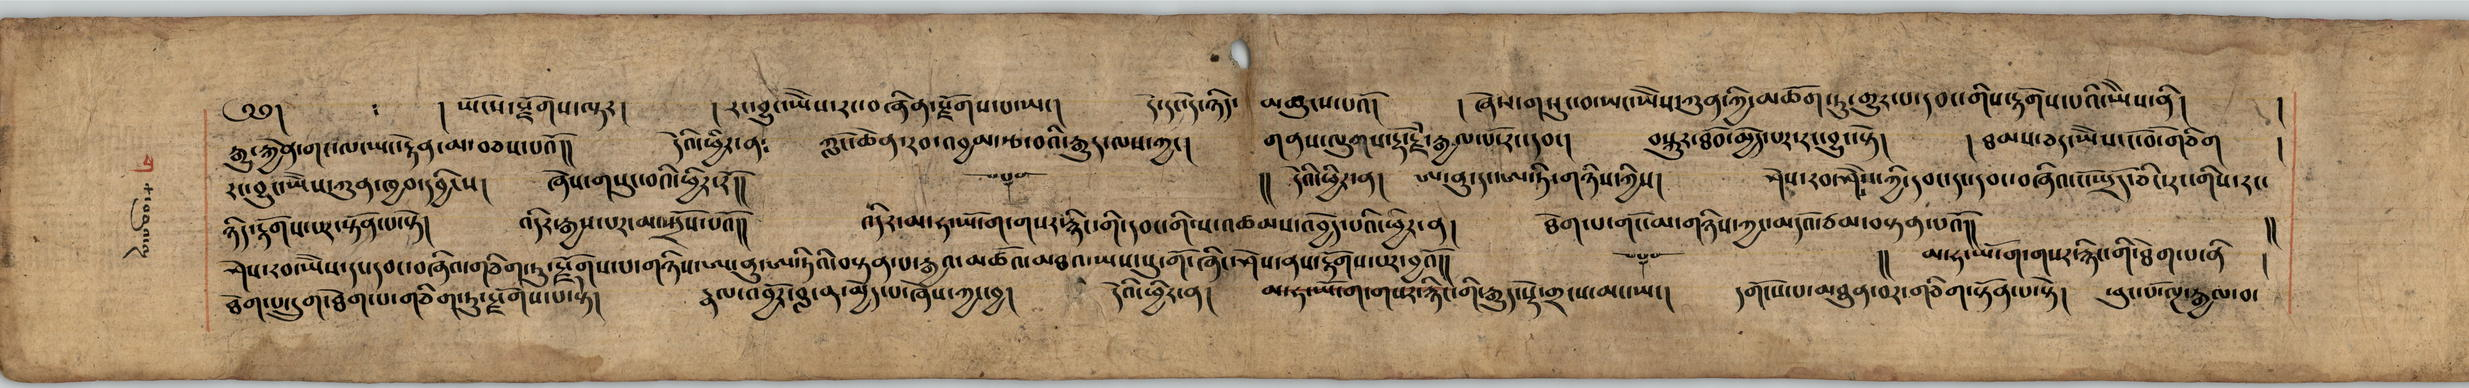༄༅། ། ཡོངས་སྫོགས་ལྟར། །རང་བྱུང་ཡཻས་རང་བཞིན་སྫོགས་པ་ཡང། དེ་དང་དེ་ཉིད་ མཚུངས་པའོ། །ཞེས་གསུང་བ་ཡང་ཡཻས་ཀུན་ཀྱི་མཆོག་ཏུ་གྱུར་པ་དབང་གིས་རྟོགས་པའི་ཡཻས་ནི།
རྒྱུ་རྐྱེན་གང་ལ་ཡང་རྟེན་མ་བཅས་པའོ།། དེའི་ཕྱིར་ན༴ ཀློང་ཆེན་རབ་འབྱམ་རྩ་བའི་རྒྱུད་ལས་ཀྱང། གནས་ལུགས་རྡོ་རྗེ་རྒྱལ་པོ་རང་དབང། བསྐུར་ཐོབ་མྱེད་པར་རང་བྱུང་སྟེ། །ཐམས་ཅད་ཡཻས་ངོ་བོ་གཅིག
རང་བྱུང་ཡཻས་ཀུན་ཁྱབ་དབྱིངས། ཞེས་གསུང་བའི་ཕྱིར་རོ།། ༒ །། དེའི་ཕྱིར་ན། ཨ་ནུ་དང་ཨ་ཏི་གཉིས་ཀྱིས། ཤེས་རབ་ཤཻས་ཀྱི་དབང་དང་དབང་བཞིའ་ངོ་སྤྲོད་ཅིང་རང་གིས་རང་
ཉིད་རྟོགས་པར་སྟོན་པ་སྟེ། འདིར་རྒྱས་པར་མ་སྤྲོས་པའོ།། འདིར་མ་ཧ་ཡོ་ག་གསར་རྙིང་གི་དབང་གི་ས་འཚམས་འབྱེད་པའི་ཕྱིར་ན། ཐེག་པ་གོང་མ་གཉིས་ཀྱང་མདོའ་ཙམ་བསྟན་པའོ།།
ཤེས་རབ་ཡཻས་དང་དབང་བཞིའ་གཅིག་ཏུ་སྫོགས་པ་གཉིས་ཨ་ནུ་ཨ་ཏིའི་བསྟན་པ་རྒྱའ་མཚོའ་མཐའ་ཡས་སུ་གོ་ཞིང་ཤེས་ནས་རྟོགས་པར་བྱའོ།། ༒ །། མ་ཧ་ཡོ་ག་གསར་རྙིང་གི་ཐེག་པ་ནི
ཐེག་པ་དྲུག་ཐེག་པ་གཅིག་ཏུ་སྫོགས་པ་སྟེ། རྣལ་འབྱོར་བླ་ན་མྱེད་པ་ཞེས་ཀྱང་བྱ། དེའི་ཕྱིར་ན། མ་ཧ་ཡོ་ག་གསར་རྙིང་གི་རྒྱུད་སྡེ་གྲངས་མང་ཡང། དགོངས་པ་མཐུན་བར་གཅིག་སྟོན་པ་སྟེ། ཕུང་པོ་ལྔ་རྒྱལ་བ་